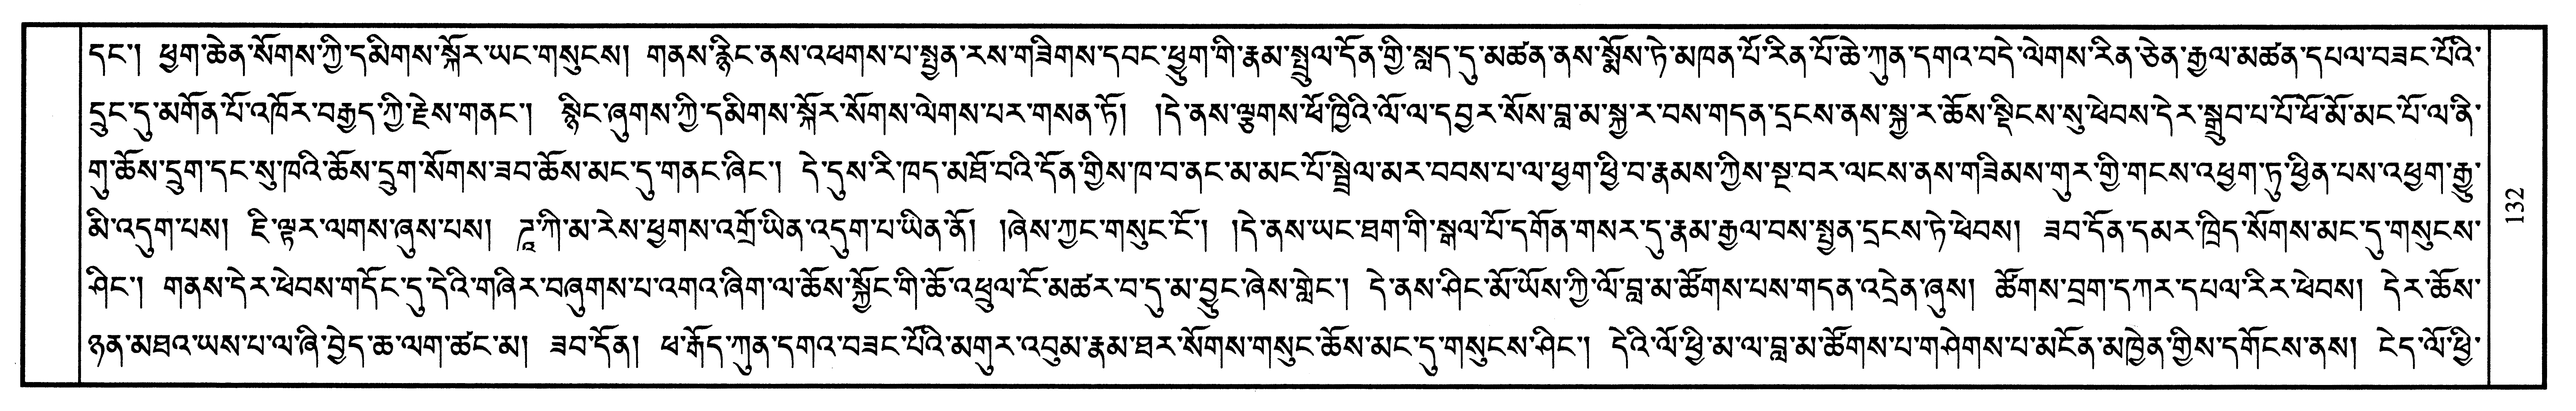དང་། ཕྱག་ཆེན་སོགས་ཀྱི་དམིགས་སྐོར་ཡང་གསུངས། གནས་རྙིང་ནས་འཕགས་པ་སྤྱན་རས་གཟིགས་དབང་བྱུག་གི་རྣམ་སྤྲོལ་དོན་གྱི་སླད་དུ་མཚན་ནས་སྨོས་ཏེ་མཁན་པོ་རིན་པོ་ཆེ་ཀུན་དགའ་བདེ་ལེགས་རིན་ཅེན་རྒྱལ་མཚན་དཔལ་བཟང་པོའི་
དྲུག་དུ་མགོན་པོ་འཁོར་བརྒྱད་ཀྱི་རྗེས་གནང་། སྙིང་ཞུགས་ཀྱི་དམིགས་སྐོར་སོགས་ལེགས་པར་གནས་ཏོ། །དེ་ནས་ལྕགས་ཕོ་ཁྱིའི་ལོ་ལ་དབྱར་སོས་བླ་མ་སྐྱ་ར་བས་གདན་དྲངས་ནས་སྐྱ་ར་ཆོས་སྡིངས་སུ་ཕེབས་དེར་སྒྲུབ་པ་པོ་ཕོ་མོ་མང་པོ་ལ་ནི་
གུ་ཆོས་དྲུག་དང་སུ་ཁའི་ཆོས་དྲུག་སོགས་ཟབ་ཆོས་མང་དུ་གནང་ཞིང་། དེ་དུས་རི་ཁད་མཐོ་བའི་དོན་གྱིས་ཁ་བ་ནང་མ་མང་པོ་སྦྲེལ་མར་བབས་པ་ལ་ཕྱག་ཕྱི་བ་རྣམས་ཀྱིས་སྔ་བར་ལངས་ནས་གཟིམས་གུར་གྱི་གངས་འཕྱག་ཏུ་ཕྱིན་པས་འཕྱག་རྒྱུ་
མི་འདུག་པས། ཇི་ལྟར་ལགས་ཞུས་པས། ཌཱ་ཀི་མ་རེས་ཕྱགས་འགྲོ་ཡིན་འདུག་པ་ཡིན་ནོ། །ཞེས་ཀྱང་གསུང་ངོ། །དེ་ནས་ཡང་ཐག་གི་སྒལ་པོ་དགོན་གསར་དུ་རྣམ་རྒྱལ་བས་སྤྱན་དྲངས་ཏེ་ཕེབས། ཟབ་དོན་དམར་ཁྲིད་སོགས་མང་དུ་གསུངས་
ཤིང་། གནས་དེར་ཕེབས་གདོང་དུ་དེའི་གཞིར་བཞུགས་པ་འགའ་ཞིག་ལ་ཆོས་སྐྱོང་གི་ཆོ་འཕྲུལ་ངོ་མཚར་བ་དུ་མ་བྱུང་ཞེས་གླེང་། དེ་ནས་ཤིང་མོ་ཡོས་ཀྱི་ལོ་བླ་མ་ཚོས་པས་གདན་འདྲེན་ཞུས། ཚོགས་བྲག་དཀར་དཔལ་རིར་ཕེབས། དེར་ཆོས་
ཉན་མཐའ་ཡས་པ་ལ་ཞི་བྱེད་ཆ་ལག་ཚང་མ། ཟབ་དོན། ཕ་རྒོད་ཀུན་དགའ་བཟང་པོའི་མགུར་འབུམ་རྣམས་ཐར་སོས་གསུང་ཆོས་མང་དུ་གསུངས་ཤིང་། དེའི་ལོ་ཕྱི་མ་ལ་བླ་མ་ཚོགས་པ་གཤེགས་པ་མངོན་མཁྱེན་གྱིས་དགོངས་ནས། ངེད་ལོ་ཕྱི་